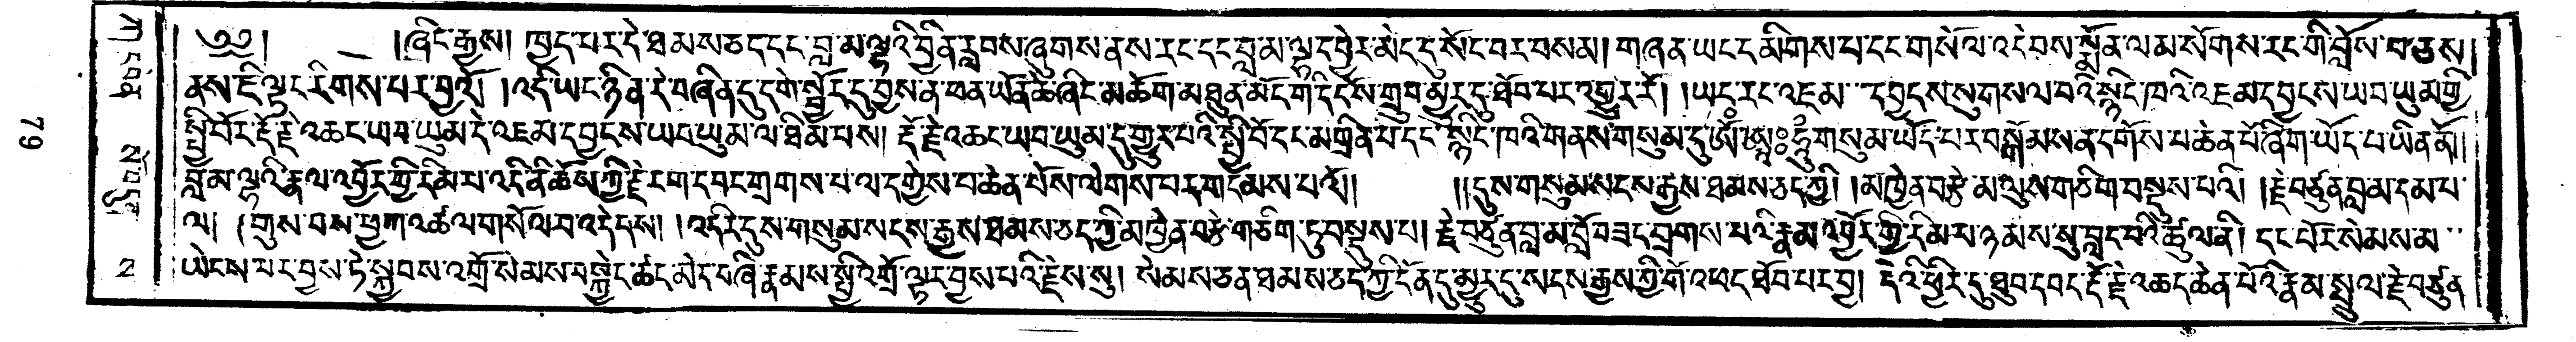༄༅། །ཞིང་རྒྱས། ཁྱད་པར་དེ་ཐམས་ཅད་དང་བླ་མ་ལྷའི་བྱིན་རླབས་ཞུགས་ནས་རང་དང་བླ་མ་ལྷ་དབྱེར་མེད་དུ་སོང་བར་བསམ། གཞན་ཡང་དམིགས་པ་དང་གསོལ་འདེབས་བས་སྨོན་ལམ་སོགས་རང་གི་བློས་བཅས་
ནས་ཇི་ལྟར་རིགས་པར་བྱའོ། །འདི་ཡང་ཉིན་རེ་བཞིན་དུ་དགེ་སྦྱོར་དུ་བྱས་ན་ཕན་ཡོན་ཆེ་ཞིང་མཆོག་མཐུན་མོང་གི་དངོས་གྲུབ་མྱུར་དུ་ཐོབ་པར་འགྱུར་རོ། །ཡང་རང་འཇམ་དབྱངས་སུ་གསལ་བའི་སྙིང་ཁའི་འཇམ་དབྱངས་ཡབ་ཡུམ་གྱི་
སྤྱི་བོར་རྡོ་རྗེ་འཆང་ཡབ་ཡུམ་དེ་འཇམ་དབྱངས་ཡབ་ཡུམ་ལ་ཐིམ་པས། རྡོ་རྗེ་འཆང་ཡབ་ཡུམ་དུ་གྱུར་པའི་སྤྱི་བོ་དང་མགྲིན་པ་དང་སྙིང་ཁའི་གནས་གསུམ་དུ་ཨོཾ་ཨཱཿ ཧཱུཾ་གསུམ་ཡོད་པར་བསྒོམས་ན་དགོས་པ་ཆེན་པོ་ཞིག་ཡོད་པ་ཡིན་ནོ། །
བླ་མ་ལྷའི་རྣལ་འབྱོར་གྱི་རིམ་པ་འདི་ནི་ཆོས་ཀྱི་རྗེ་རག་དབང་གྲགས་པ་ལ་དགྱེས་པ་ཆེན་པོས་ལེགས་བར་གདམས་པའོ།། །།དུས་གསུམ་སངས་རྒྱས་ཐམས་ཅད་ཀྱི། །མཁྱེན་བརྩེ་མ་ལུས་གཅིག་བསྡུས་པའི། །རྗེ་བཙུན་བླ་མ་དམ་པ་
ལ། །གུས་བས་ཕྱག་འཚལ་གསོལ་བ་འདེབས། །འདིར་དུས་གསུམ་སངས་རྒྱས་ཐམས་ཅད་ཀྱི་མཁྱེན་བརྩེ་གཅིག་ཏུ་བསྡུས་པ། རྗེ་བཙུན་བླ་མ་བློ་བཟང་བྲགས་པའི་རྣམ་འབྱོར་གྱི་རིམ་པ་ཉམས་སུ་བླང་པའི་ཚུལ་ནི། དང་པོར་སེམས་མ་
ཡེངས་པར་བྱས་ཏེ་སྐྱབས་འགྲོ་སེམས་བསྐྱེད་ཚང་མེད་བཞི་རྣམས་སྤྱི་འགྲོ་ལྟར་བྱས་པའི་རྗེས་སུ། སེམས་ཅན་ཐམས་ཅད་ཀྱི་དོན་དུ་མྱུར་དུ་སངས་རྒྱས་ཀྱི་གོ་འཕང་ཐོབ་པར་བྱ། དེའི་ཕྱིར་དུ་ཐུབ་དབང་རྡོ་རྗེ་འཆད་ཆེན་པོའི་རྣམ་སྤྲུལ་རྗེ་བཙུན་